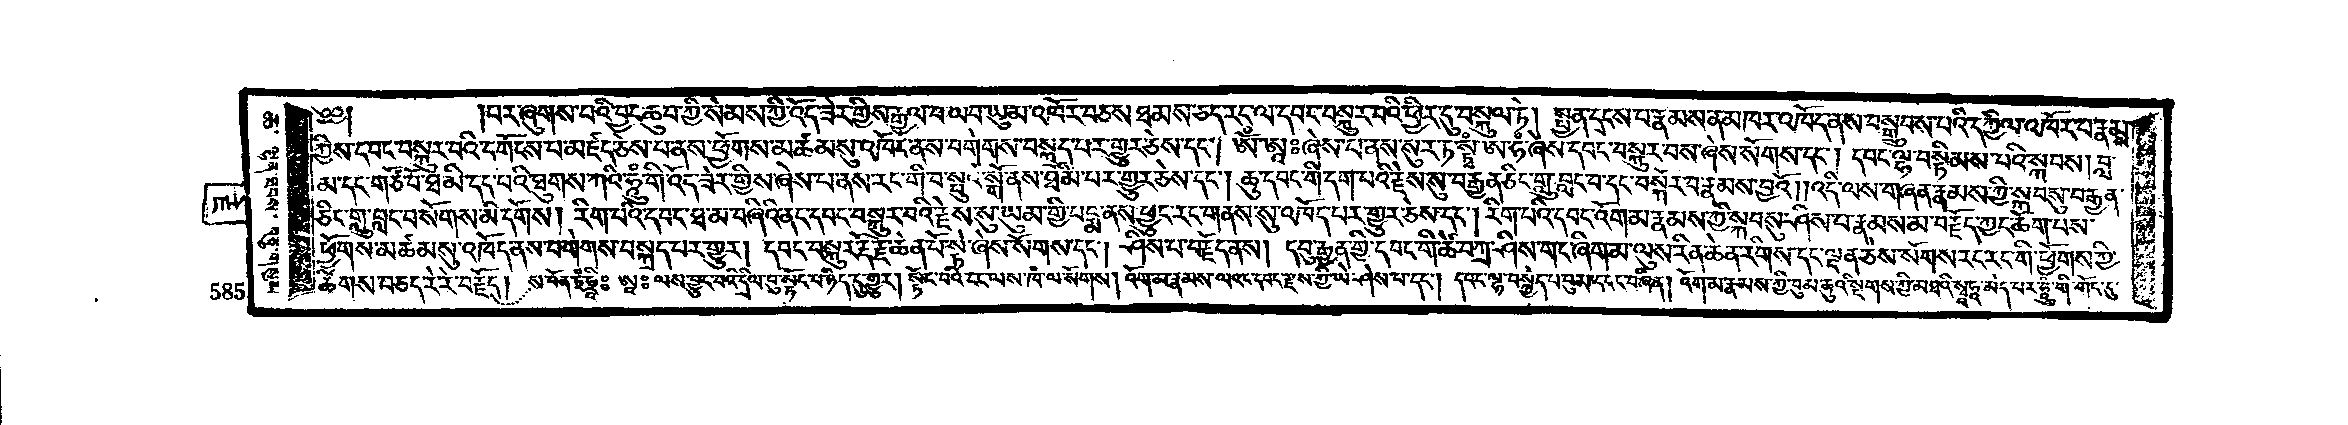༄༅། །པར་ཞུགས་པའི་བྱང་ཆུབ་ཀྱི་སེམས་ཀྱི་འོད་ཟེར་གྱིས་རྒྱལ་བ་ཡབ་ཡུམ་འཁོར་བཅས་ཐམས་ཅད་རང་ལ་དབང་བསྐུར་བའི་ཕྱིར་དུ་བསྐུལ་ཏེ། སྤྱན་དྲངས་པ་རྣམས་ནམ་མཁར་འཁོད་ནས་བསྒྲུབས་པའི་དཀྱིལ་འཁོར་བ་རྣམས་
ཀྱིས་དབང་བསྐུར་བའི་དགོངས་པ་མཛད་ཅེས་པ་ནས་ཕྱོགས་མཚམས་སུ་འཁོད་ནས་བགེགས་བསྐྲད་པར་གྱུར་ཅེས་དང་། ཨོཾ་ཨཱཿ ཞེས་པ་ནས་སུ་ར་ཏ་སྟྭཾ་ཨ་ཧཾ་ཞེས་དབང་བསྐུར་བས་ཞེས་སོགས་དང་། དབང་ལྷ་བསྟིམས་པའི་སྐབས། བླ་
མ་དང་གཙོ་བོ་ཐ་མི་དད་པའི་ཐུགས་ཀའི་ཧཱུཾ་གི་འོད་ཟེར་གྱིས་ཞས་པ་ནས་རང་གི་བ་སྤུའི་སྒོ་ནས་ཐིམ་པར་གྱུར་ཅེས་དང་། ཆུ་དབང་གི་དག་པའི་རྗེས་སུ་བརྒྱན་ཅིང་གླུ་བླང་བ་དང་བསྐོར་བ་རྣམས་བྱའོ། །འདི་ལས་གཞན་རྣམས་ཀྱི་སྐབས་སུ་བརྒྱན་
ཅིང་གླུ་བླང་བ་སོགས་མི་དགོས། རིག་པའི་དབང་ཐ་མ་བཞིའི་ནང་དབང་བསྐུར་བའི་རྗེས་སུ་ཡུམ་གྱི་པདམ་ནས་ཕྱུང་རང་གནས་སུ་འཁོད་པར་གྱུར་ཅེས་དང་། རིག་པའི་དབང་འོག་མ་རྣམས་ཀྱི་སྐབས་སུ་ཤིས་པ་རྣམས་མ་བརྗོད་ཀྱང་ཆོག་པས་
ཕྱོགས་མཚམས་སུ་འཁོད་ནས་བགེགས་བསྐྲད་པར་གྱུར། དབང་བསྐུར་རྡོ་རྗེ་ཆེན་པོ་སྟེ་ཞེས་སོགས་དང་། ཤིས་པ་བརྗོད་ནས། དབུ་རྒྱན་གྱི་དབང་གི་ཚེ་བཀྲ་ཤིས་གང་ཞིག་མ་ལུས་རིན་ཆེན་རིགས་དང་ལྡན་ཅེས་སོགས་རང་རང་གི་ཕྱོགས་ཀྱི་
ཚིགས་བཅད་རེ་རེ་བརྗོད། ས་བོན་ཏྲཾ་ཧྲཱིཿ ཨཱཿ ལས་བྱུང་བའི་དྲིལ་བུ་སྟོང་པ་ཉིད་དུ་གྱུར། སྟོང་པའི་ངང་ལས་ཁཾ་ལ་སོགས། འོག་མ་རྣམས་ལའང་དབང་རྫས་ཀྱི་ཡེ་ཤེས་པ་དང་། དབང་ལྷ་བསྐྱེད་པ་བུམ་དབང་བཞིན། འོག་མ་རྣམས་ཀྱི་བུམ་ཆུའི་སྔགས་ཀྱི་མཐའི་སྭཱ་ཧཱ་མེད་པར་ཧཱུཾ་གི་གོང་དུ་